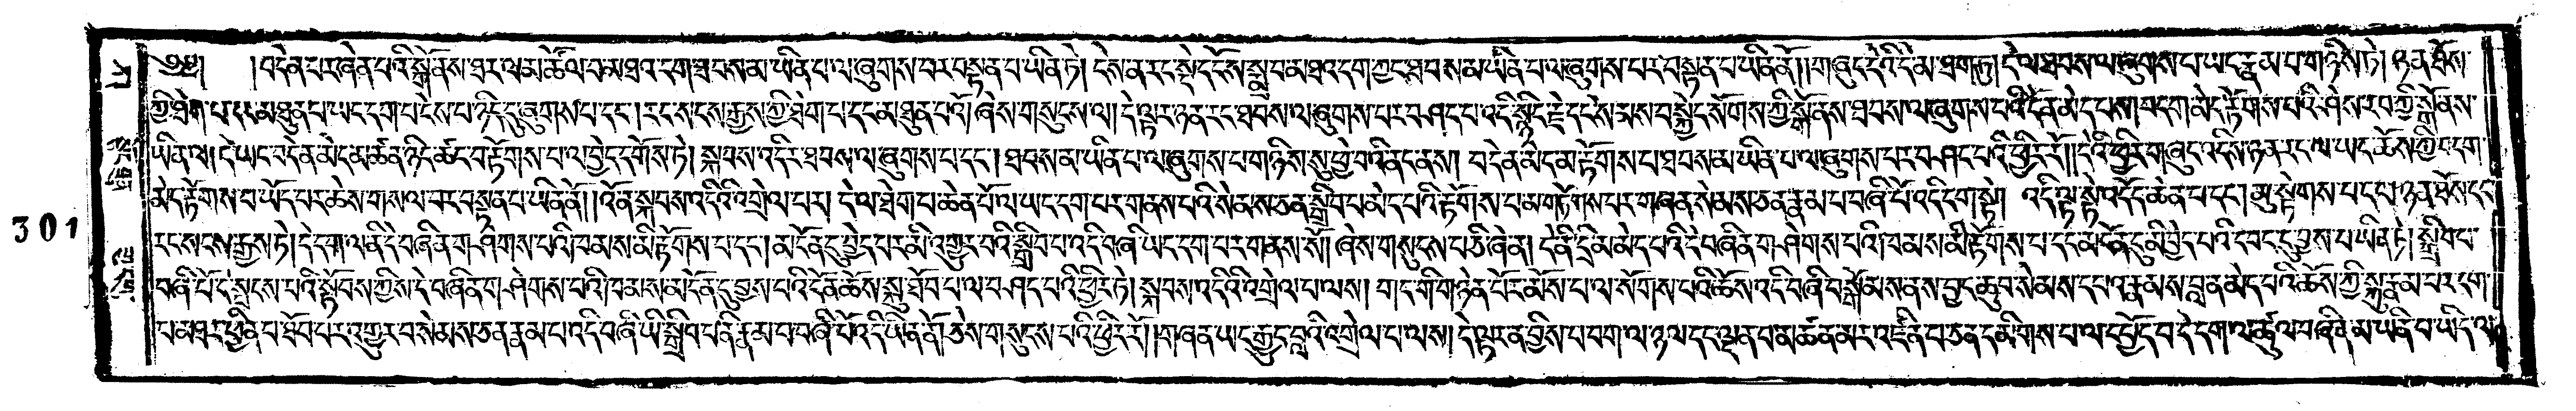༄༅། །བདེན་པར་ཞེན་པའི་སྒོ་ནས་ཐར་ལམ་ཚོལ་བ་མཐའ་དག་ཐབས་མ་ཡིན་པ་ལ་ཞུགས་པར་བསྟན་པ་ཡིན་ཏེ། ངེས་ན་རང་སྡེ་དངོས་སྨྲ་བ་མཐའ་དག་ཀྱང་ཐབས་མ་ཡིན་པ་ལ་ཞུགས་པར་བསྟན་པ་ཡིན་ནོ། །གཞུང་དེའི་དེ་མ་ཐག་ཏུ། དེ་ལ་ཐབས་ལ་ཞུགས་པ་ཡང་རྣམ་པ་གཉིས་ཏེ། ཉན་ཐོས་
ཀྱི་ཐེག་པ་དང་མཐུན་པ་ཡང་དག་པ་ངེས་པ་ཉིད་དུ་ཞུགས་པ་དང་། རང་སངས་རྒྱས་ཀྱི་ཐེག་པ་དང་མཐུན་པའོ། ཞེས་གསུངས་ལ། དེ་ལྟར་ཉན་རང་ཐབས་ལ་ཞུགས་པར་བཤད་པ་འདི་སྙིང་རྗེ་དང་སེམས་བསྐྱེད་སོགས་ཀྱི་སྒོ་ནས་ཐབས་ལ་ཞུགས་པའི་དོན་མེད་པས། བདག་མེད་རྟོགས་པའི་ཤེས་རབ་ཀྱི་སྒོ་ནས་
ཡིན་ལ། དེ་ཡང་བདེན་མེད་མཚན་ཉིད་ཚང་བ་རྟོགས་པ་ལ་བྱེད་དགོས་ཏེ། སྐབས་འདིར་ཐབས་ལ་ཞུགས་པ་དང་། ཐབས་མ་ཡིན་པ་ལ་ཞུགས་པ་གཉིས་སུ་ཕྱེ་བའི་ནང་ནས། བདེན་མེད་མ་རྟོགས་པ་ཐབས་མ་ཡིན་པ་ལ་ཞུགས་པར་བཤད་བའི་ཕྱིར་རོ། །དེའི་ཕྱིར་གཞུང་འདིས་ཉན་རང་ལ་ཡང་ཆོས་ཀྱི་བདག་
མེད་རྟོགས་པ་ཡོད་པར་ཆེས་གསལ་བར་བསྟན་པ་ཡིན་ནོ། །འོ་ན་སྐབས་འདིའི་འགྲེལ་པར། དེ་ལ་ཐེག་པ་ཆེན་པོ་ལ་ཡང་དག་པར་གནས་པའི་སེམས་ཅན་སྒྲིབ་པ་མེད་པའི་རྟོགས་པ་མ་གཏོགས་པར་གཞན་སེམས་ཅན་རྣམ་པ་བཞི་པོ་འདི་དག་སྟེ། འདི་ལྟ་སྟེ་འདོད་ཆེན་པ་དང་། མུ་སྟེགས་པ་དང་། ཉན་ཐོས་དང་
རང་སངས་རྒྱས་ཏེ། དེ་དག་ལ་ནི་དེ་བཞིན་གཤེགས་པའི་ཁམས་མི་རྟོགས་པ་དང་། མངོན་དུ་བྱེད་པར་མི་འགྱུར་བའི་སྒྲིབ་པ་འདི་བཞི་ཡང་དག་པར་གནས་སོ། ཞེས་གསུངས་པ་ཅི་ཞེ་ན། དེ་ནི་དྲི་མ་མེད་པའི་དེ་བཞིན་གཤེགས་པའི་ཁམས་མི་རྟོགས་པ་དང་མངོན་དུ་མི་བྱེད་པའི་དབང་དུ་བྱས་པ་ཡིན་ཏེ། སྒྲིབ་པ་
བཞི་པོར་སྤངས་པའི་སྟོབས་ཀྱིས་དེ་བཞིན་གཤེགས་པའི་ཁམས་མངོན་དུ་བྱས་པའི་དོན་ཆོས་སྐུ་ཐོབ་པ་ལ་བཤད་པའི་ཕྱིར་ཏེ། སྐབས་འདིའི་འགྲེལ་པ་ལས། གང་གི་གཉེན་པོར་མོས་པ་ལ་སོགས་པའི་ཆོས་འདི་བཞི་བསྒོམས་ནས་བྱང་ཆུབ་སེམས་དཔའ་རྣམས་བླ་ན་མེད་པའི་ཆོས་ཀྱི་སྐུ་རྣམ་པར་དག་
པ་མཐར་ཕྱིན་པ་ཐོབ་པར་འགྱུར་བ་སེམས་ཅན་རྣམ་པ་འདི་བཞི་ཡི་སྒྲིབ་པ་ནི་རྣམ་པ་བཞི་པོ་འདི་ཡིན་ནོ། ཅེས་གསུངས་པའི་ཕྱིར་རོ། །གཞན་ཡང་རྒྱུད་བླའི་འགྲེལ་པ་ལས། དེ་ལྟར་ན་བྱིས་པ་བག་ལ་ཉལ་དང་ལྡན་པ་མཚན་མར་འཛིན་པ་ཅན་དམིགས་པ་ལ་དཔྱོད་བ་དེ་དག་ལ་ཚུལ་བཞིན་མ་ཡིན་པ་ཡིད་ལ་